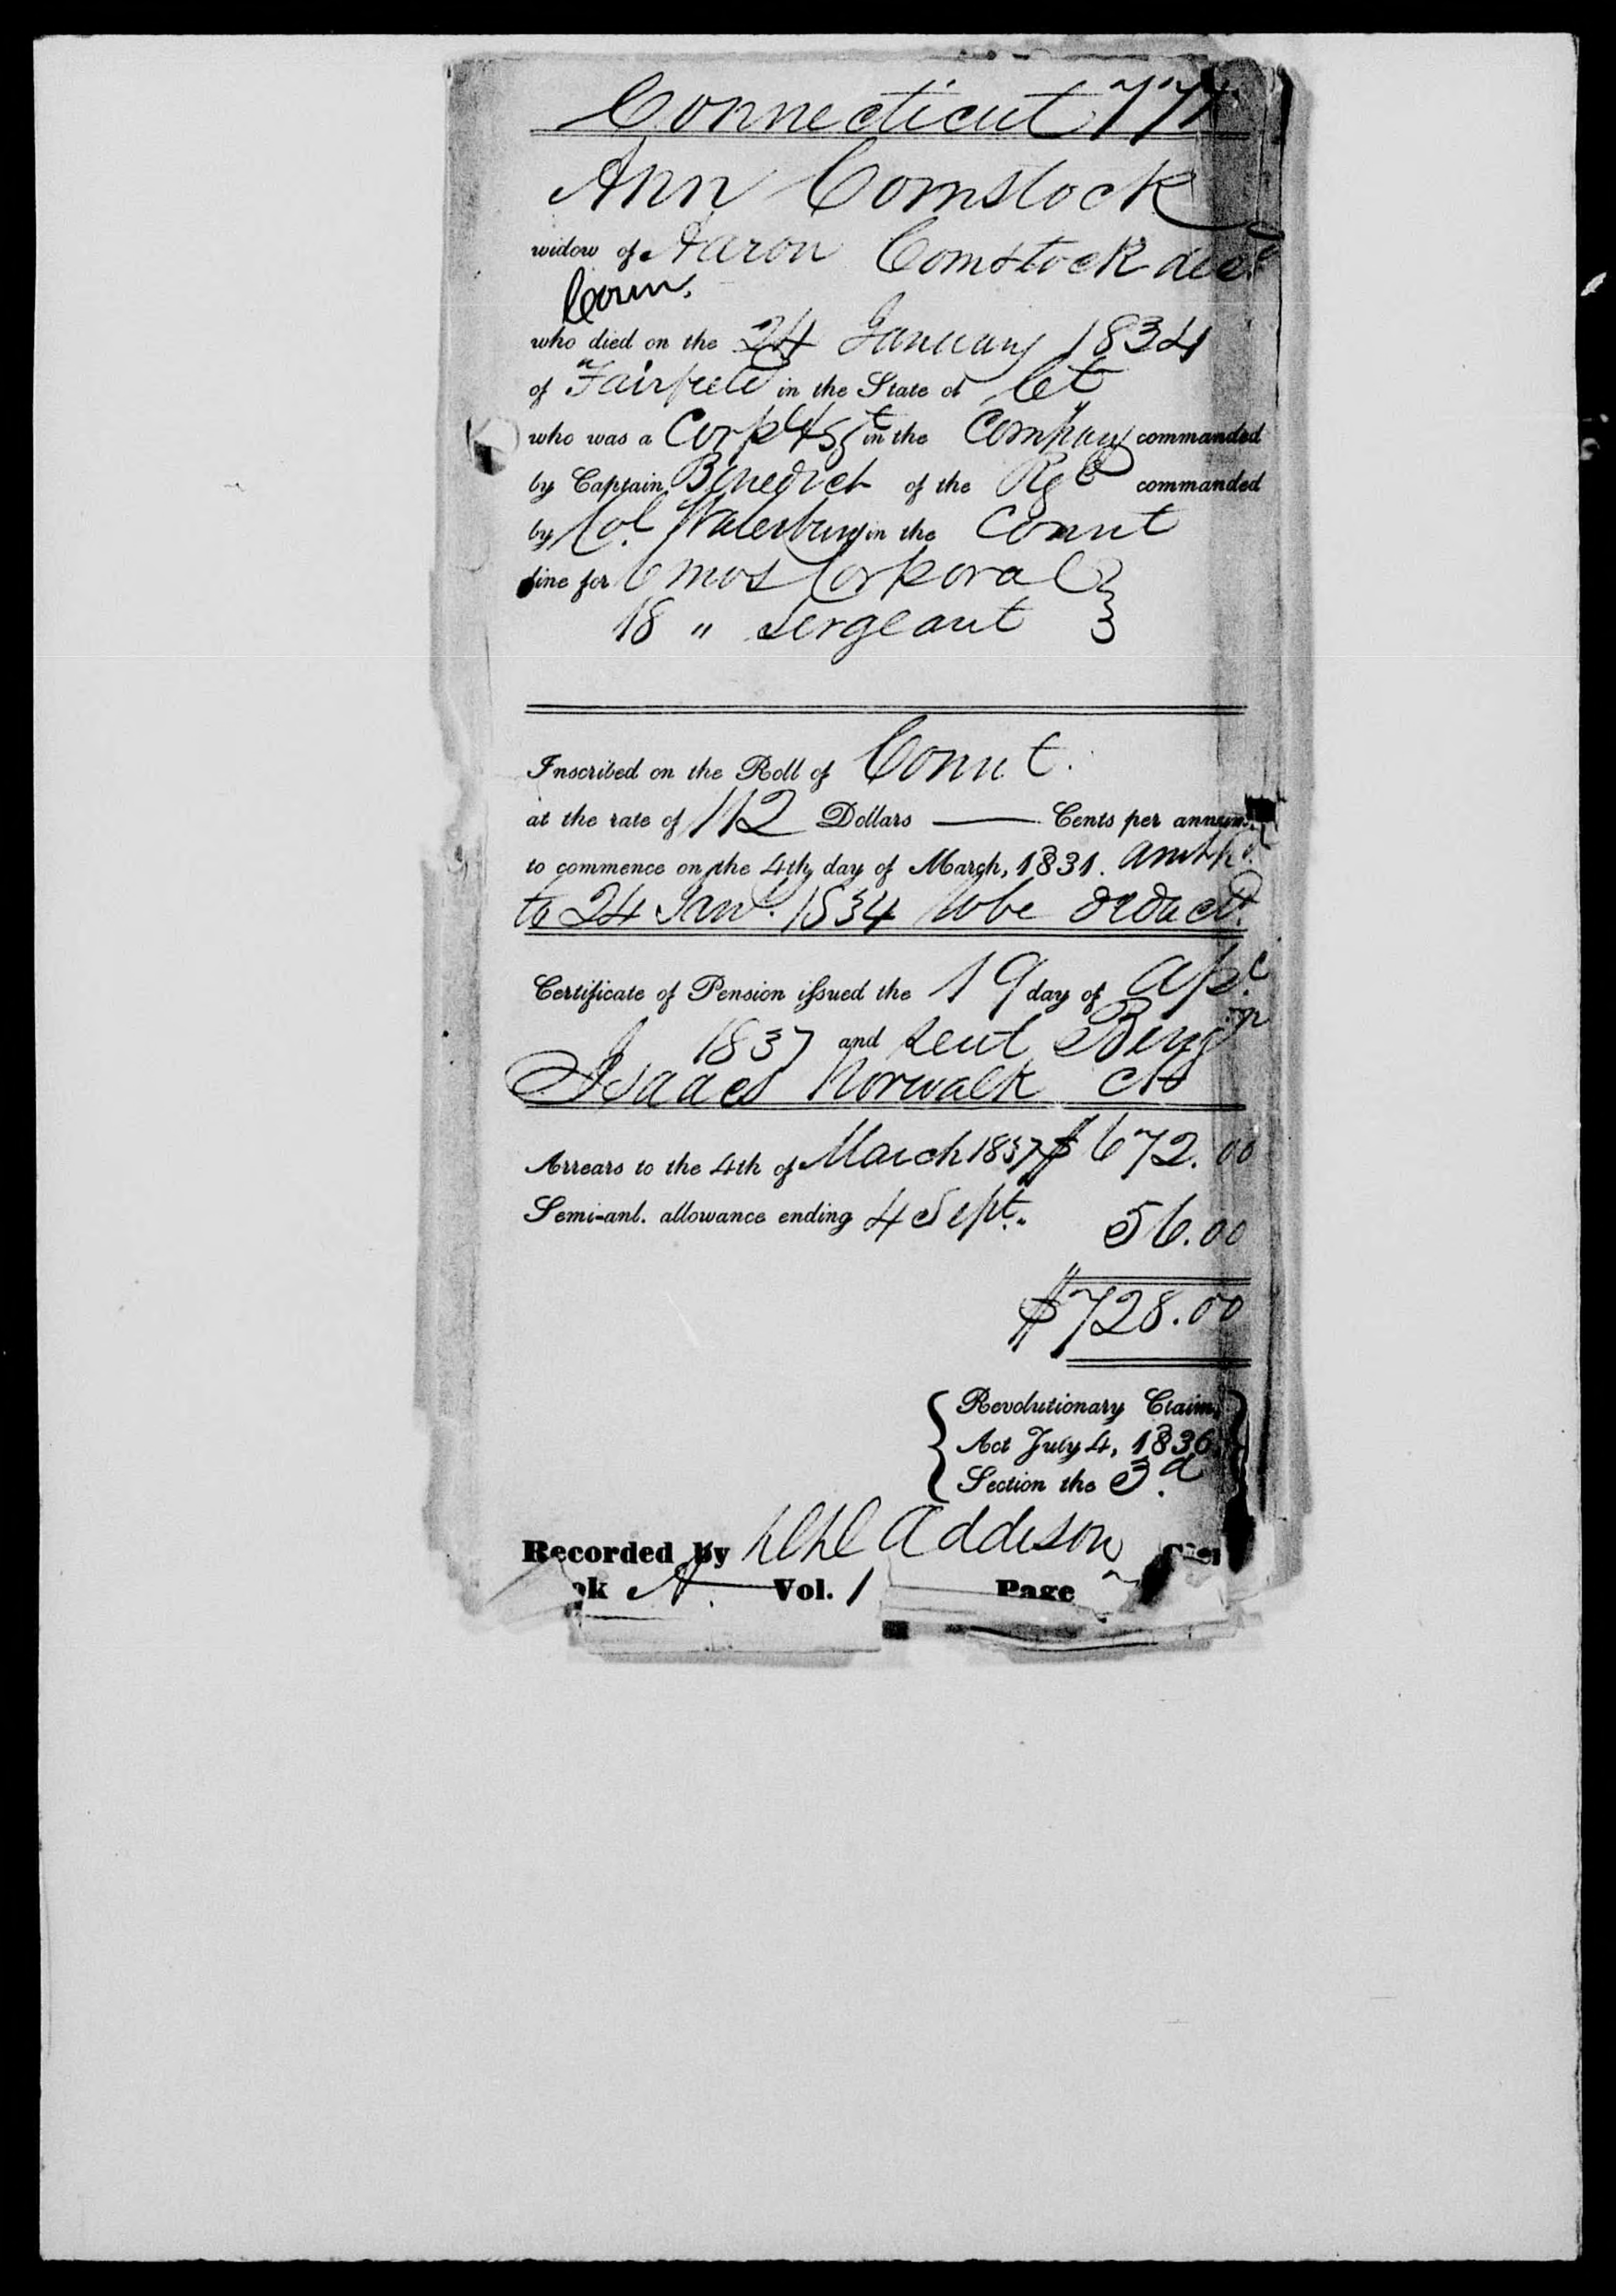Connecticut 777

Ann Comstock
widow of Aaron Comstock decd
Conn.
who died on the 24 January 1834 of Fairfield in the State of Ct who was a Corp & Sgt in the Company commanded by Captain Benedick of the Regt commanded by Col. Waterbury in the Connt line for 6 mos Corporal
18 " Sergeant

Inscribed on the Roll of Connt. at the rate of 112 Dollars - Cents per annum, to commence on the 4th day of March, 1831 [illegible] to 24 Jany. 1534 to be deductd.

Certificate of Pension issued the 19 day of Apl. 1837 and sent Benjn Isaacs Norwalk Ct

Arrears to the 4th of March 1837 $ 672.00
Semi-anl. allowance ending 4 Sept.  56.00
$728.00

Revolutionary Claim,
Act July 4, 1836
Section the 3d.

Recorded by D D Addison Clerk
[Bo]ok A. Vol. 1 Page [illegible]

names: D D Addison, Aaron Comstock, Benedict, Ann Comstock, Benjn Isaacs, Waterbury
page: 3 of 43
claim: widow's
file: W. 17,647, Aaron Comstock, Conn.